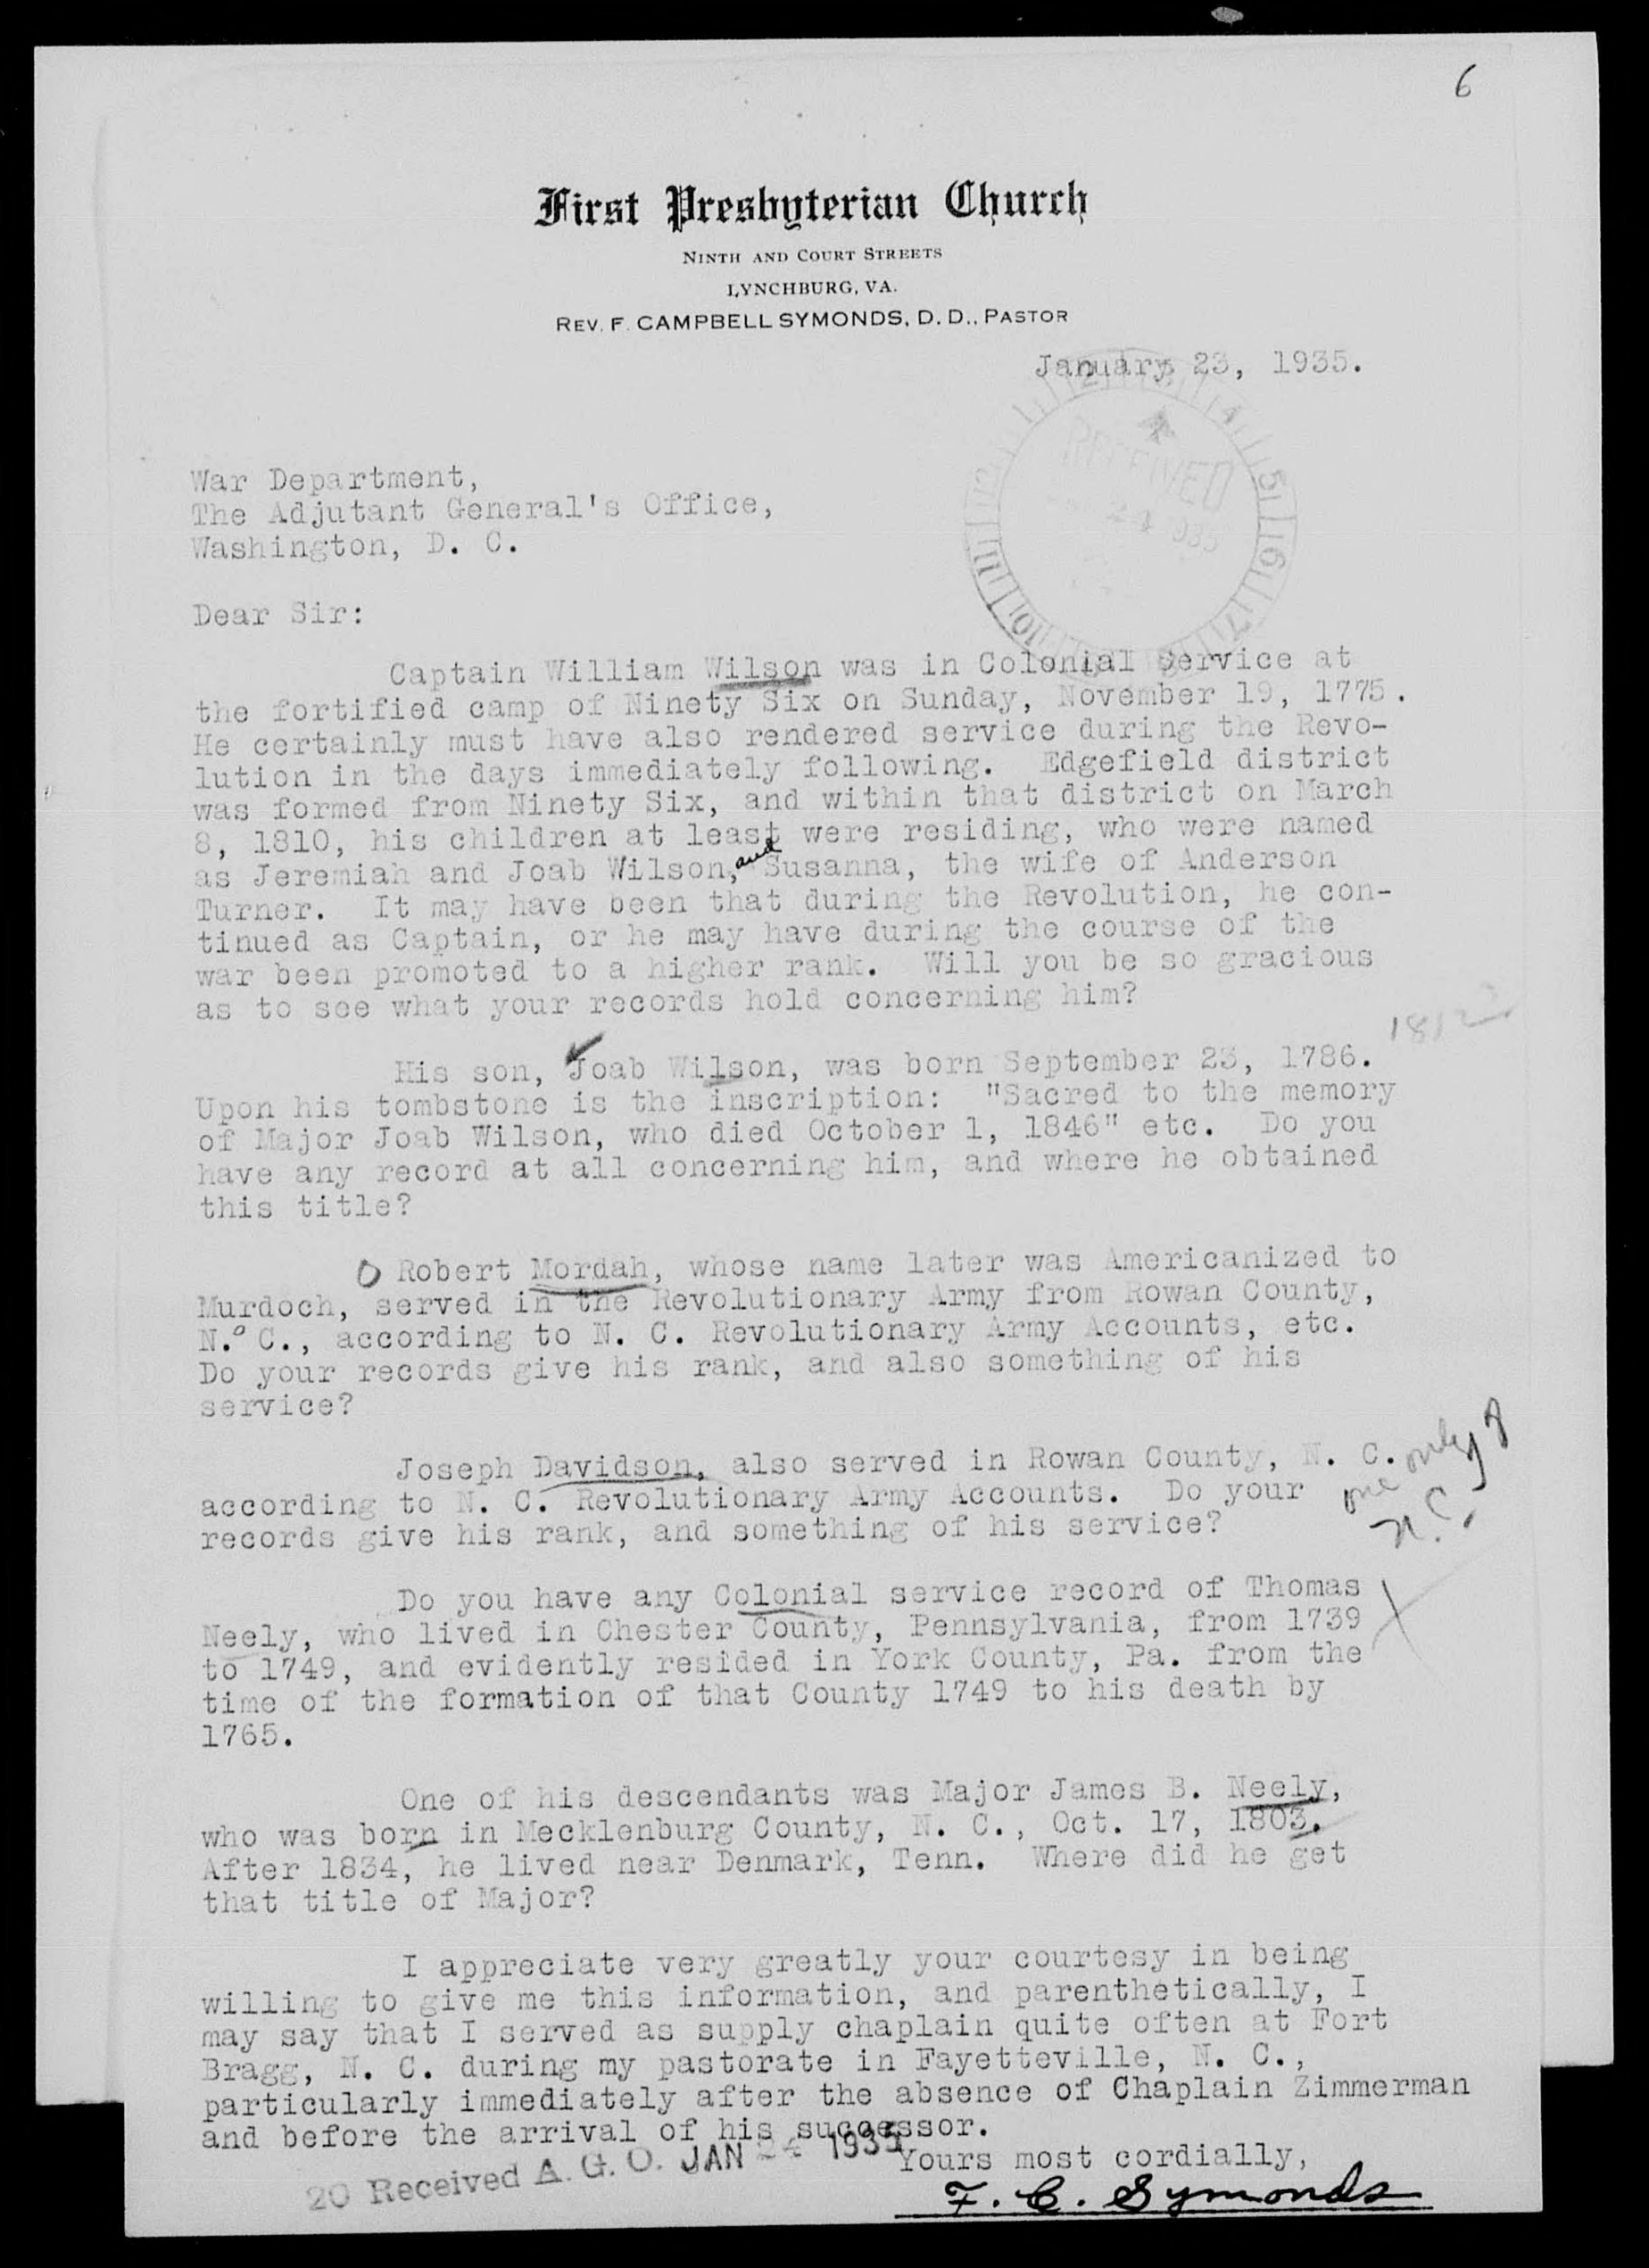First Presbyterian Church
NINTH AND COURT STREETS
LYNCHBURG, VA.
REV. F. CAMPBELL SYMONDS, D. D. PASTOR January 23, 1935.
War Department,
The Adjutant General's Office,
Washington, D. C.
Dear Sir:
Captain William Wilson was in Colonial service at
the fortified camp of Ninety Six on Sunday, November 19, 1775.
He certainly must have also rendered service during the Revolution
in the days immediately following. Edgefield district
was formed from Ninety Six, and within that district on March
8, 1810, his children at least were residing, who were named
as Jeremiah and Joab Wilson, Susanna, the wife of Anderson
Turner. It may have been that during the Revolution, he continued
as Captain, or he may have during the course of the
war been promoted to a higher rank. Will you be so gracious
as to see what your records hold concerning him?
His son, Joab Wilson, was born September 23, 1786.
1812
Upon his tombstone is the inscription: "Sacred to the memory
of Major Joab Wilson, who died October 1, 1846 " etc. Do you
have any record at all concerning him, and where he obtained
this title?
Robert Mordah, whose name later was Americanized to
Murdoch, served in the Revolutionary Army from Rowan County,
North Carolina, according to North Carolina Revolutionary Army Accounts, etc.
Do your records give his rank, and also something of his
service?
Joseph Davidson, also served in Rowan County, North Carolina
according to North Carolina Revolutionary Army Accounts. Do your be
records give his rank, and something of his service?
Do you have any Colonial service record of Thomas (
Neely, who lived in Chester County, Pennsylvania, from 1739
to 1749, and evidently resided in York County, Pa. from the
time of the formation of that County, 1749 to his death by
1765.
One of his descendants was Major James B. Neely,
who was born in Mecklenburg County, North Carolina, Oct. 17, 1803.
After 1834, he lived near Denmark, Tennessee Where did he get
that title of Major?
I appreciate very greatly your courtesy in being
willing to give me this information, and parenthetically, I
may say that I served as supply chaplain quite often at Fort
Bragg, North Carolina during my pastorate in Fayetteville, North Carolina,
particularly immediately after the absence of Chaplain Zimmerman
and before the arrival of his successor.
[Stamp] 20 Received A. G. O. [adjutant general's office] January 24, 1935
Yours most cordially,
F. C. Symonds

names: Robert Mordah, Joab Wilson, Zimmerman, F Campbell Symonds, William Wilson, Joab Wilson, D D Pastor, Joab Wilson, Susanna, F C Symonds, James B Neely, Thomas Neely, Joseph Davidson, Jeremiah Wilson, Anderson Turner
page: 56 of 63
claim: widow's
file: W. 4175, Joseph Davidson, N.C.